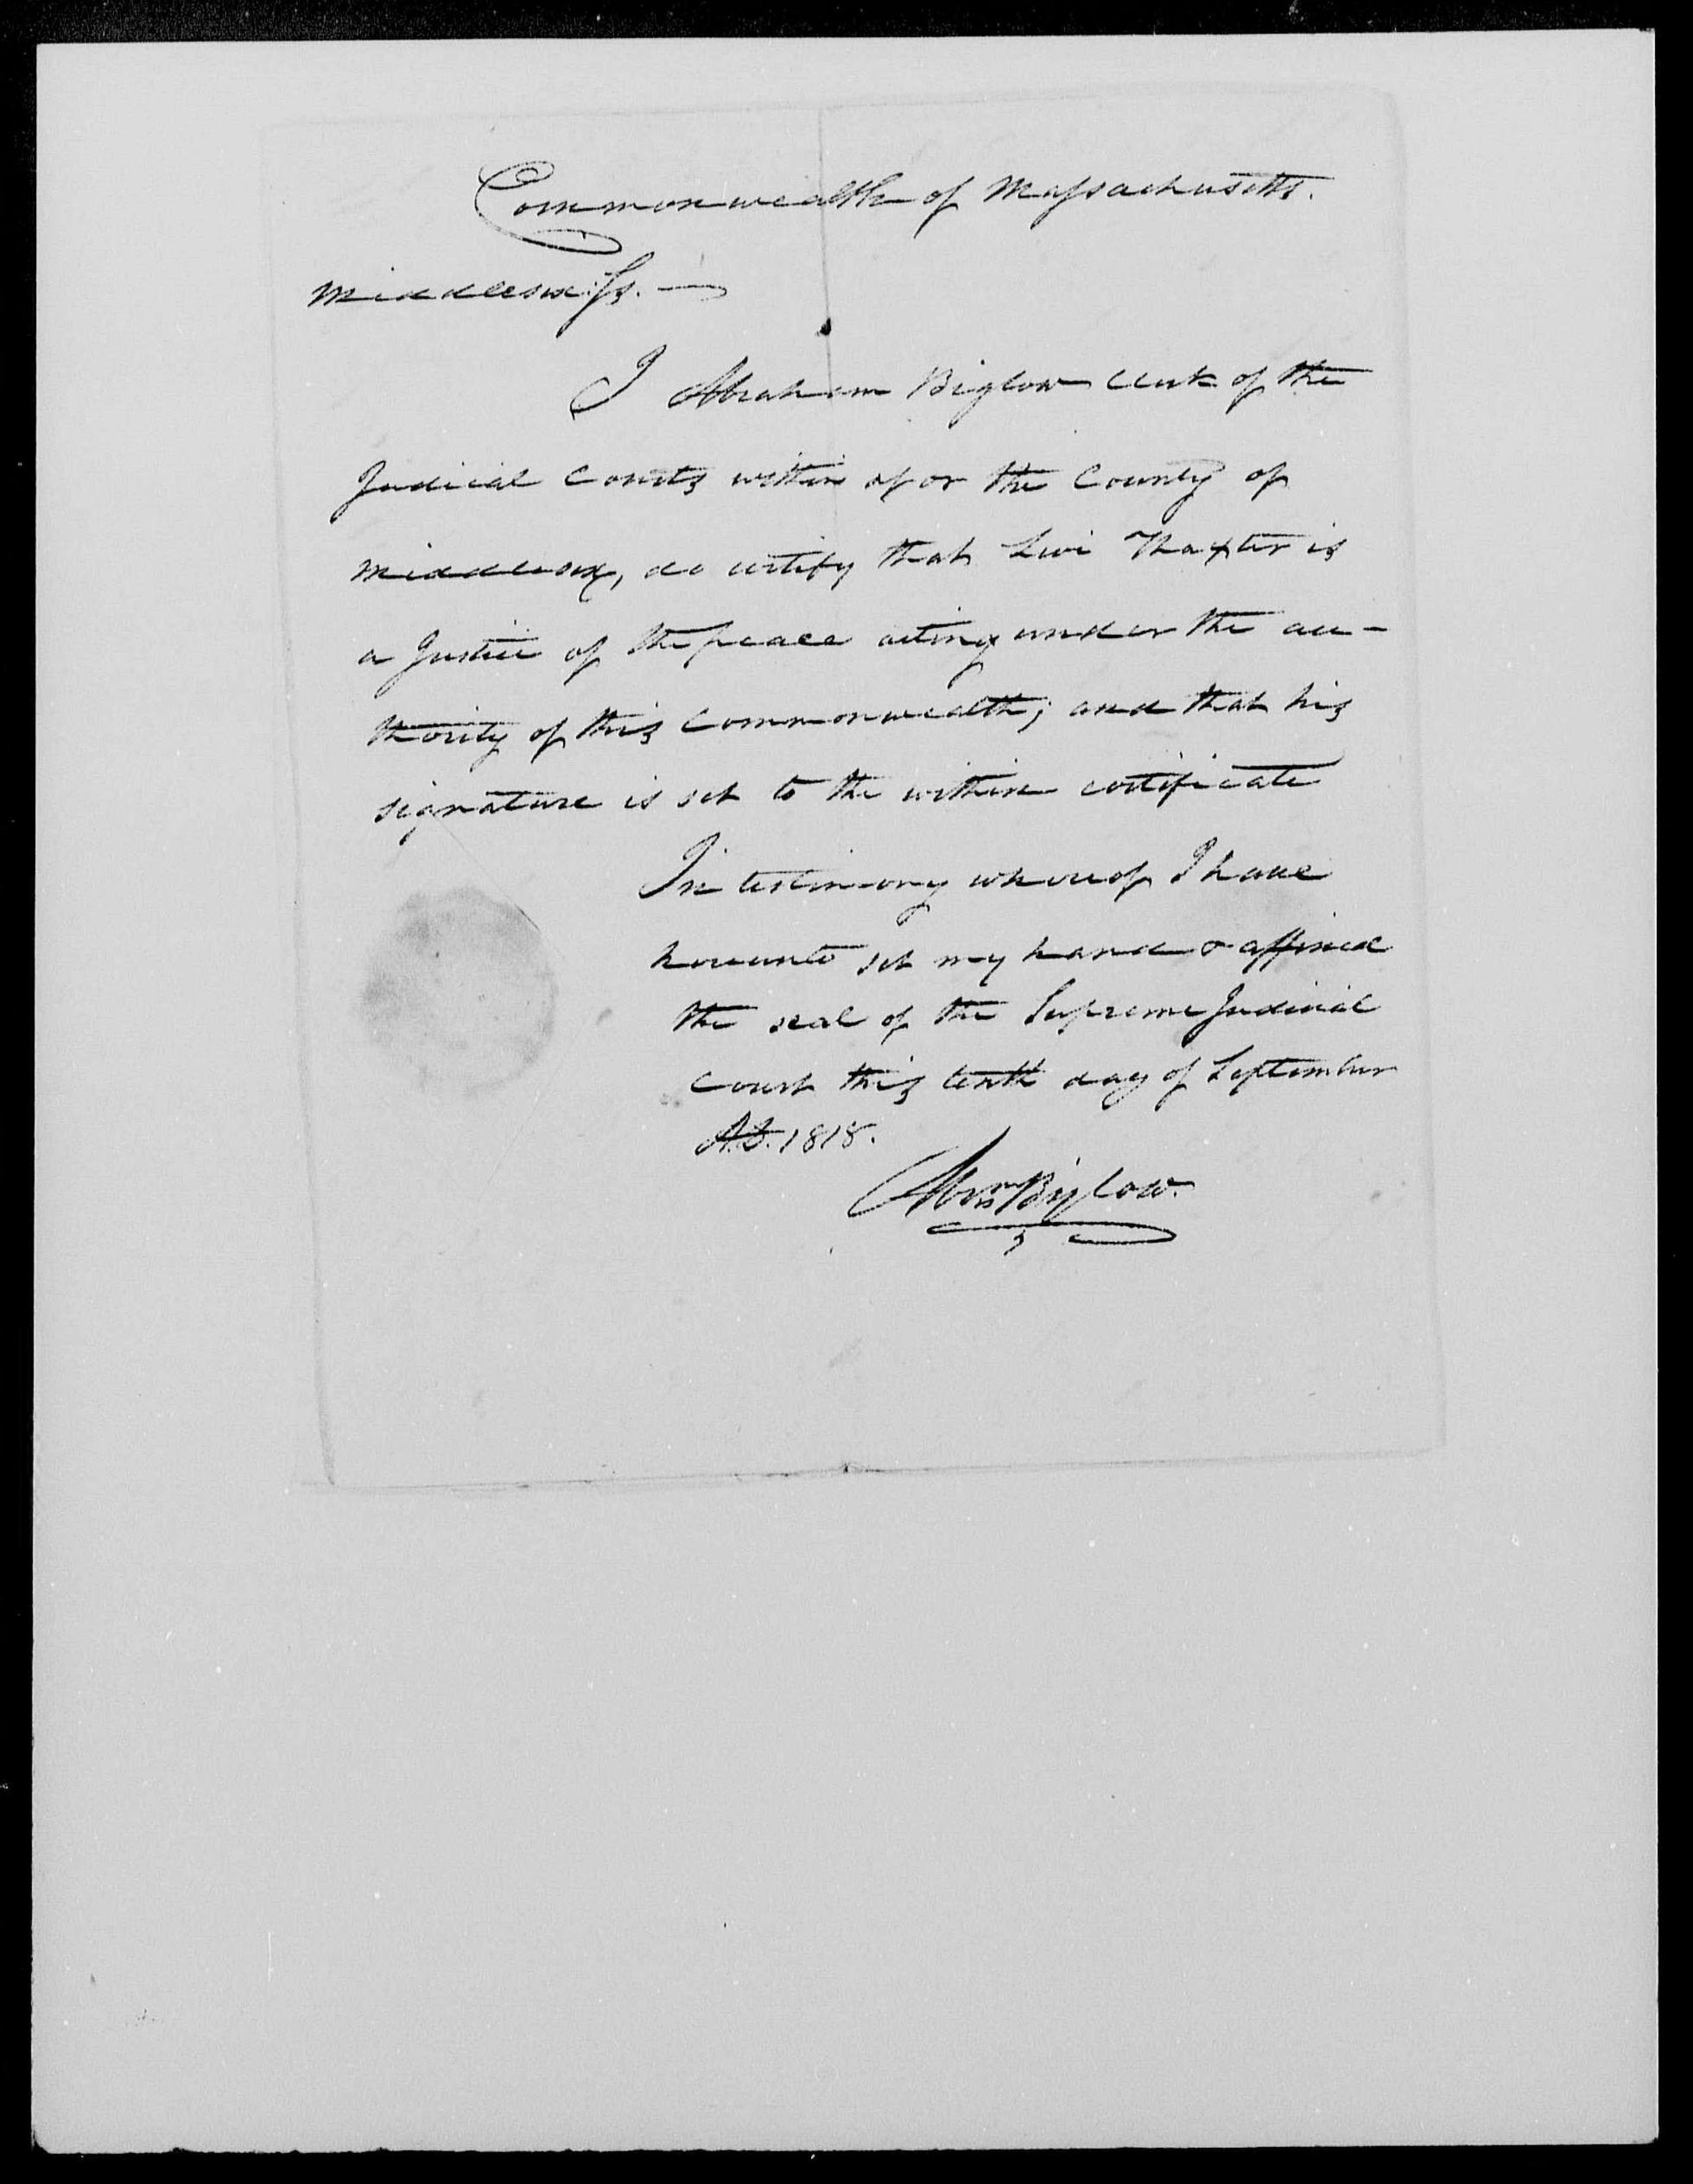Commonwealth of Massachusetts
Middlesex

I Abraham Biglow Clerk of the Judicial Courts within and for the county of Middlesex do certify that Levi Thaxter is a Justice of the Peace acting under the authority of this Commonwealth, and that his signature is set to the within certificate.

In testimony whereof I have hereunto set my hand and affixed the seal of the Supreme Judicial Court this tenth day of September AD 1818

Abm Biglow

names: Abrm Biglow, Levi Thaxter, Abraham Biglow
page: 11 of 14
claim: survivor's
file: S. 34,049, Francis Blandin, Mass.